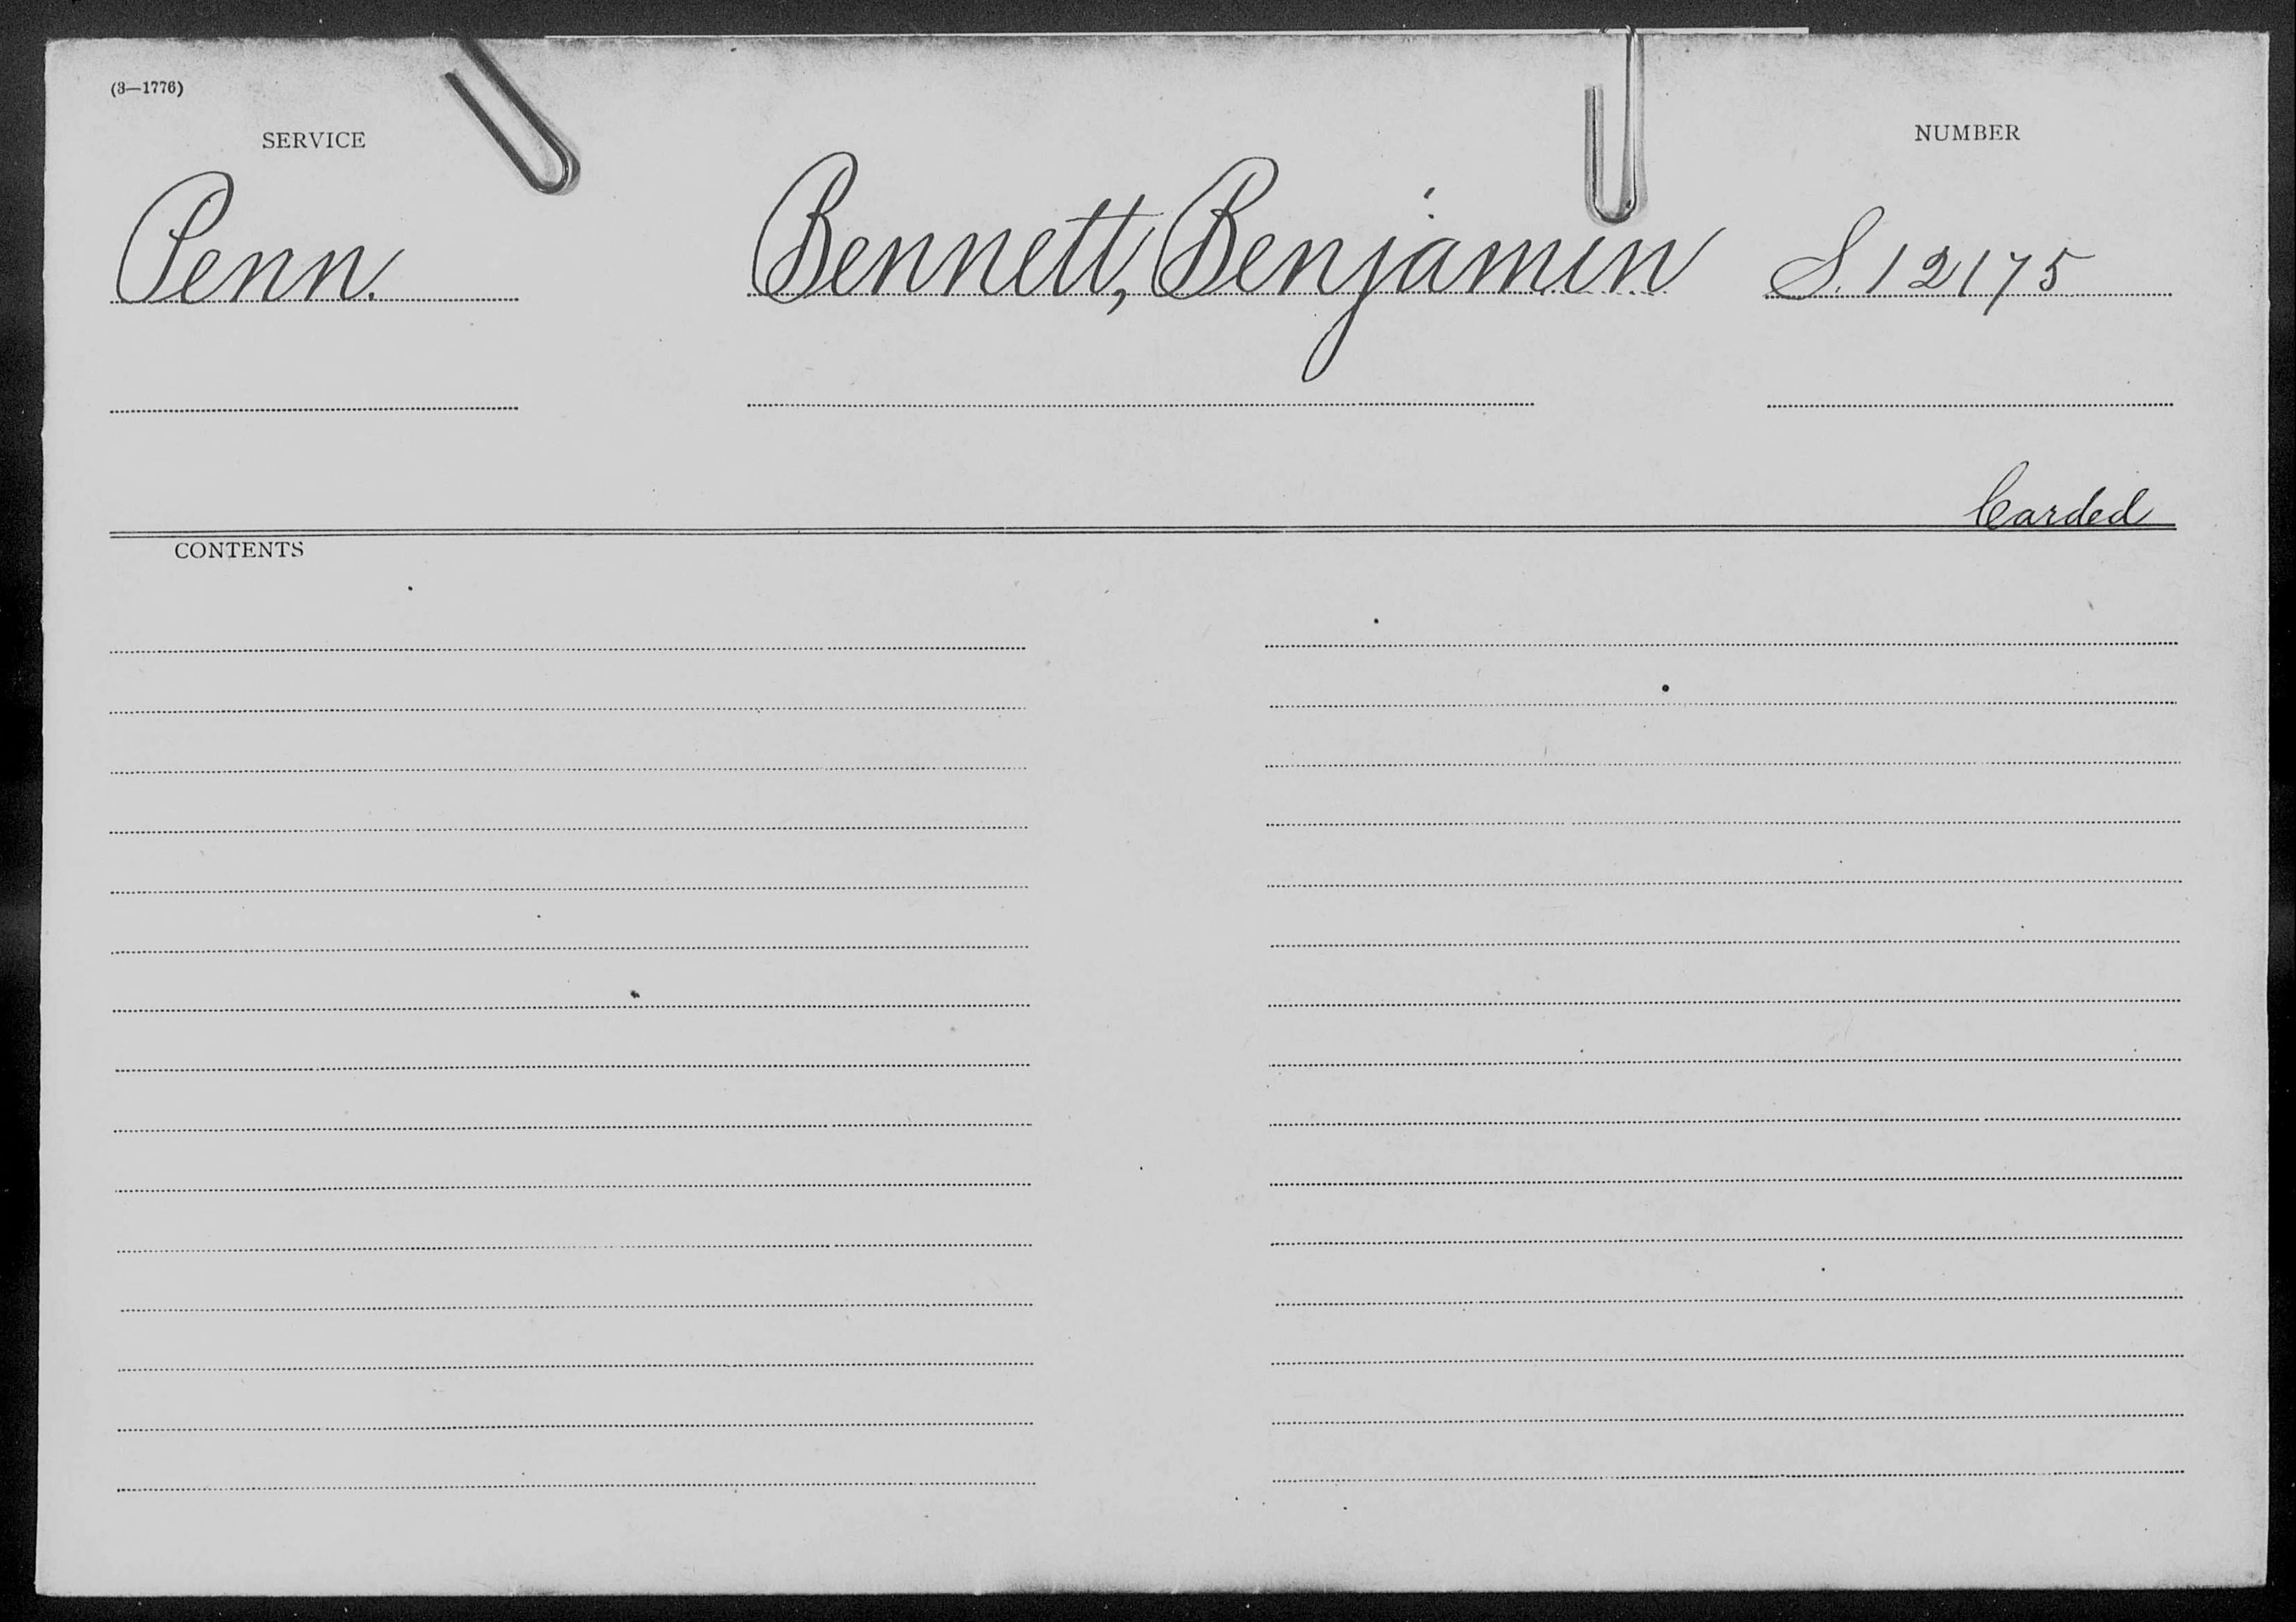(3--1776)
SERVICE Penn. Bennett, Benjamin
NUMBER S. 12175  Carded
CONTENTS [section empty]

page: 1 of 16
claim: survivor's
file: S. 12175, Benjamin Bennett, Penn.